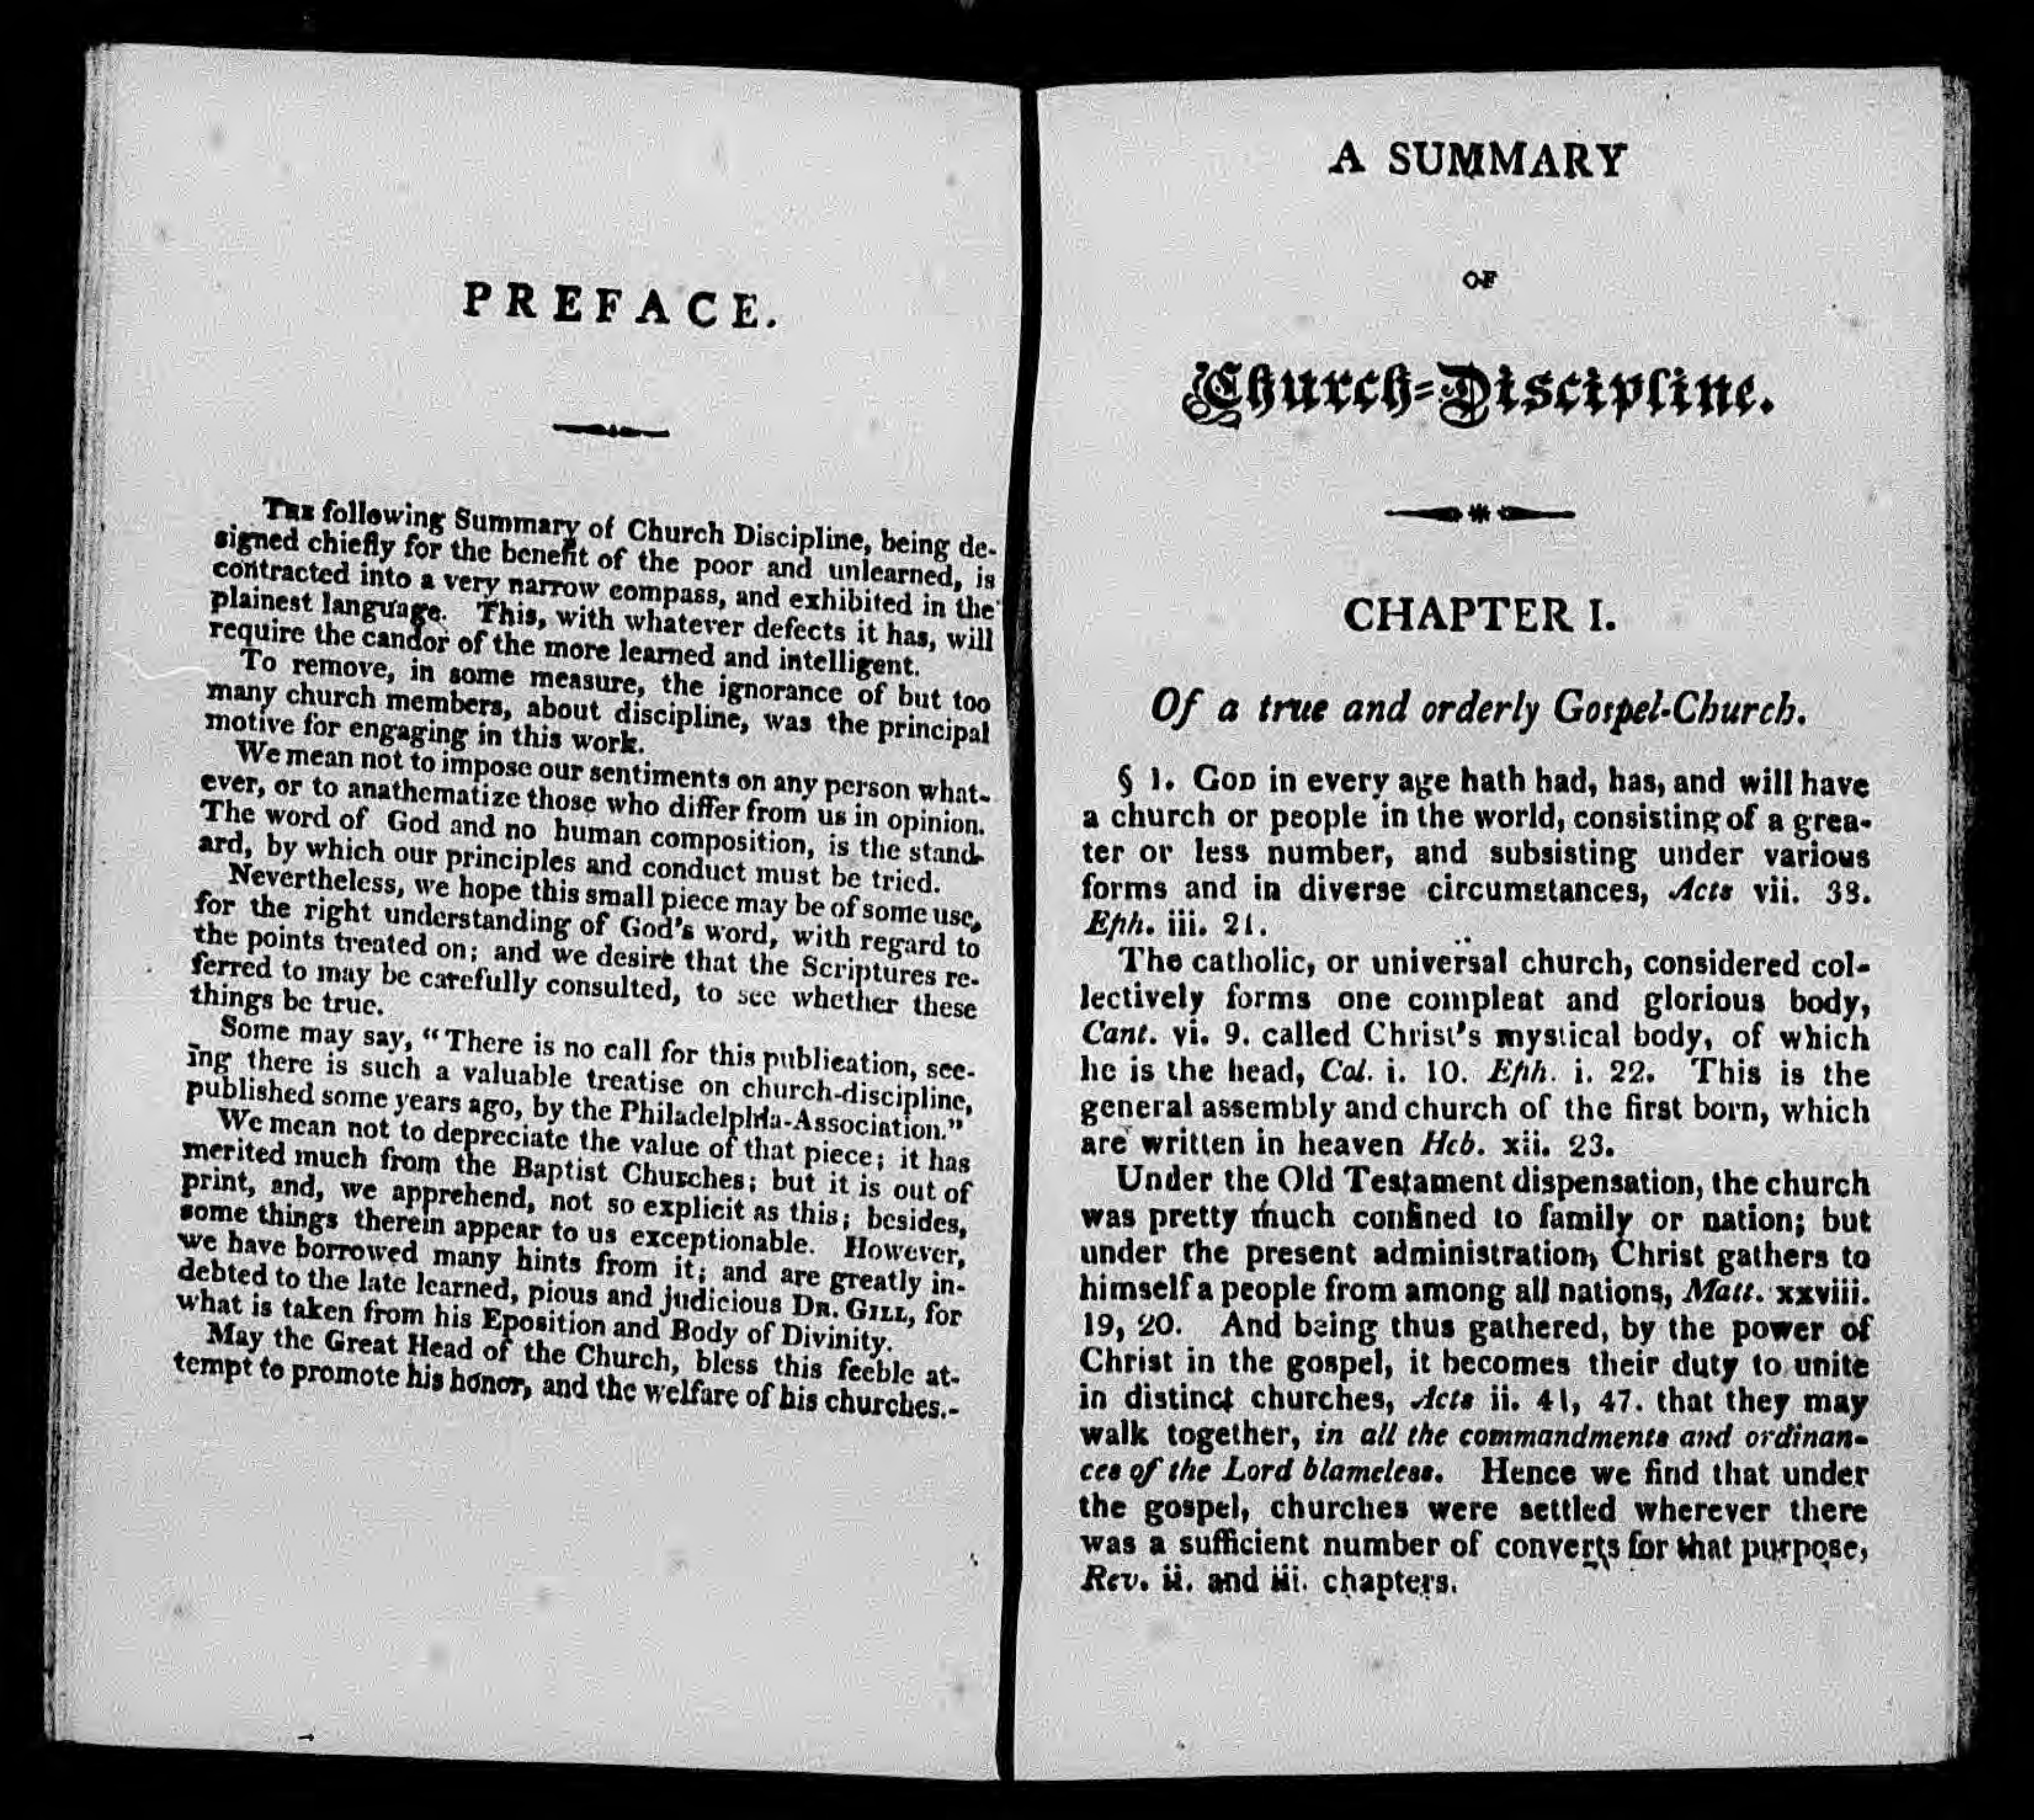PREFACE.

THE following Summary of Church Discipline, being designed chiefly for the benefit of the poor and unlearned, is contracted into a very narrow compass, and exhibited in the plainest language. This, with whatever defects it has, will require the candor of the more learned and intelligent.
To remove, in some measure, the ignorance of but too many church members, about discipline, was the principal motive for engaging in this work.
We mean not to impose our sentiments on any person whatever, or to anathematize those who differ from us in opinion. The word of God and no human composition, is the standard, by which our principles and conduct must be tried.
Nevertheless, we hope this small piece may be of some use for the right understanding of God's word, with regard to the points treated on; and we desire that the Scriptures referred to may be carefully consulted, to see whether these things be true.
Some may say, "There is no call for this publication, seeing there is such a valuable treatise on church-discipline, published some years ago, by the Philadelphia-Association."
We mean not to depreciate the value of that piece; it has merited much from the Baptist Churches; but it is out of print, and, we apprehend, not so explicit as this; besides, some things therein appear to us exceptionable. However, we have borrowed many hints from it; and are greatly indebted to the late learned, pious and judicious DR. GILL, for what is taken from his Eposition and Body of Divinity.
May the Great Head of the Church, bless this feeble attempt to promote his honor, and the welfare of his churches.

A SUMMARY

OF 

CHURCH=DISCIPLINE.

CHAPTER I.

Of a true and orderly Gospel-
Church.

1. God in every age hath had, has, and will have a church or people in the world, consisting of a greater or less number, and subsisting under various forms and in diverse circumstances, Acts vii. 38. Eph. iii. 21. 
The catholic, or universal church, considered collectively forms one compleat and glorious body, Cant. vi. 9. called Christ's mystical body, of which he is the head, Col. i. 10. Eph. i. 22. This is the general assembly and church of the first born, which are written in heaven Heb. xii. 23.
Under the Old Testament dispensation, the church was pretty much confined to family or nation; but under the present administration, Christ gathers to himself a people from among all nations, Matt. xxviii. 19, 20. And being thus gathered, by the power of Christ in the gospel, it becomes their duty to unite in distinct churches, Acts ii. 41, 47. that they may walk together, in all the commandments and ordinances of the Lord blameless. Hence we find that under the gospel, churches were settled wherever there was a sufficient number of converts for that purpose, Rev. ii. and iii. chapters.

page: 47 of 98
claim: widow's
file: W. 8398, William Broadway, S.C.